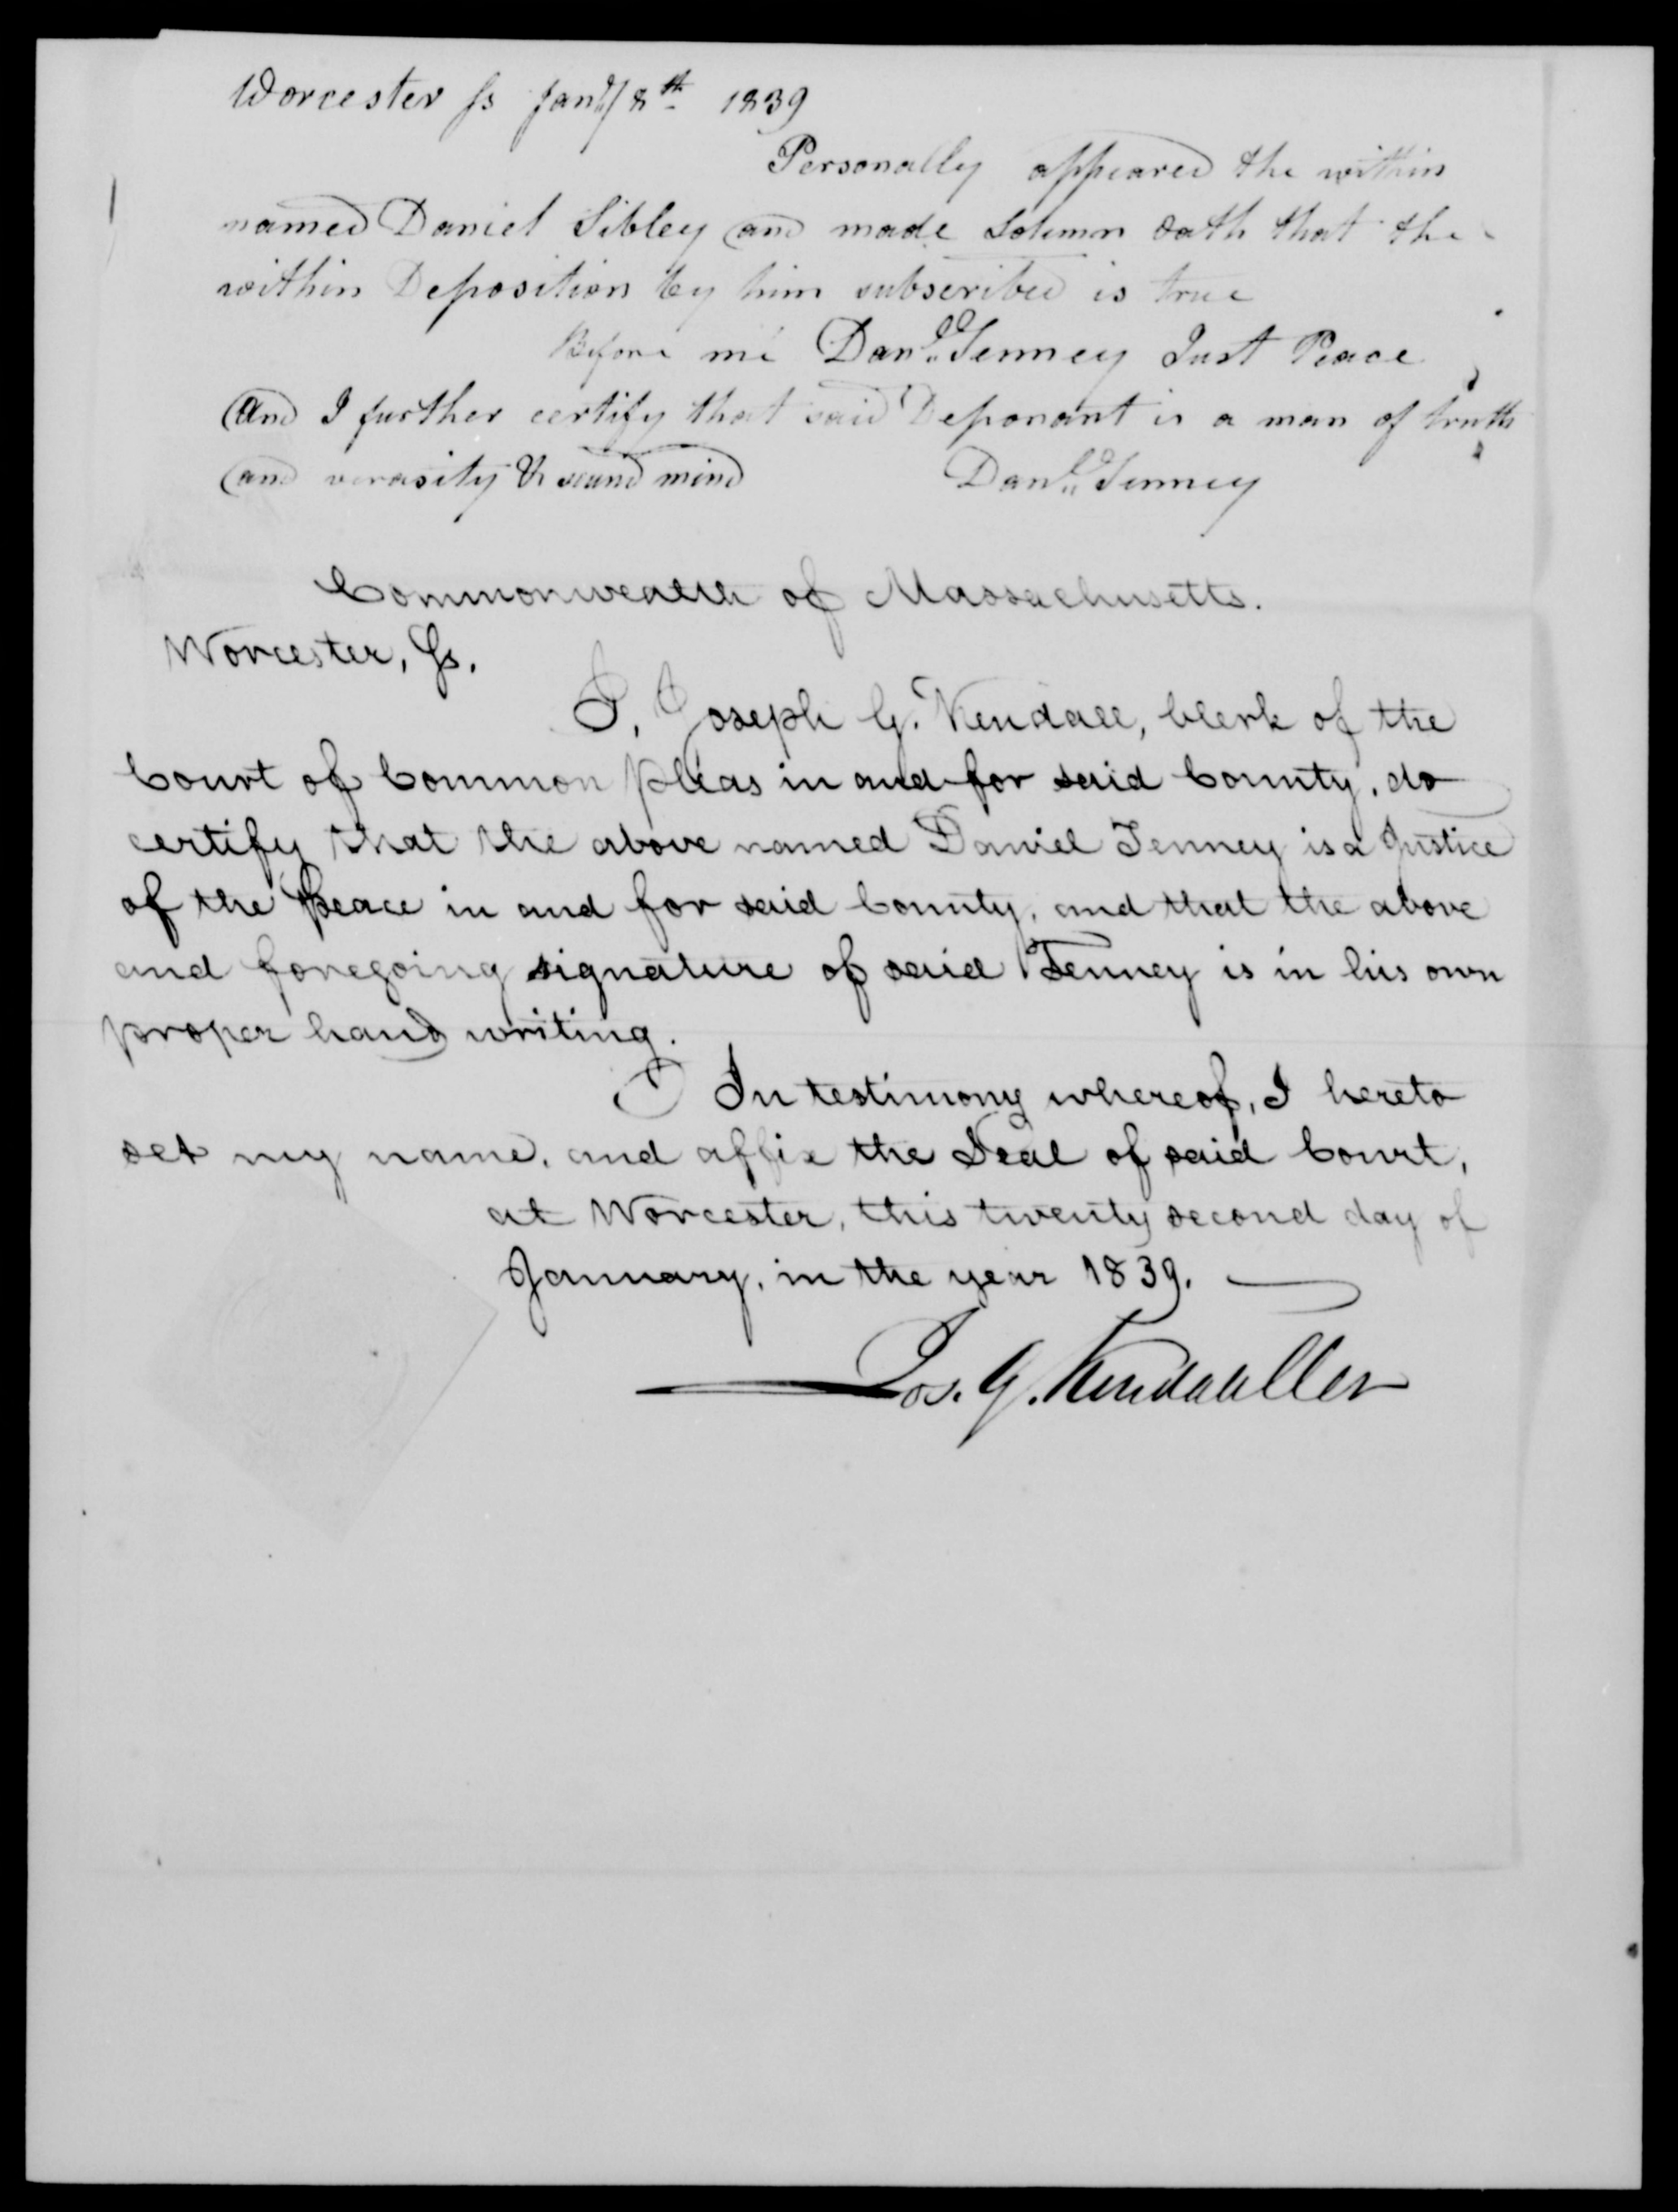Worcester SS Jany 8th 1839
Personally appeared the within named David Sibley and made solemn oath that the within deposition by him subscribed is true
Before me Danll Tenney Just Peace and I further certify that said Deponent is a man of faith and verasity & sound mind  Danll Tenney

Commonwealth of Massachusetts, Worcester SS
I, Joseph G. Kendall, Clerk of the Court of Common [illegible] in and for said County, do certify that the above named Daniel Tenney is a Justice of the Peace in and for said County, and that the above and foregoing signature of said Tenney is in his own proper hand writing.
In testimony whereof, I hereto set my name, and office the Seal of said County at Worcester, this twenty second day of January, in the year 1839.
Jos G. Kendall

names: Danl Tenney; Daniel Tenney; Daniel Sibley; Joseph G Kendall; Jos G Kendall; [BLANK] Tenney; Danl Tenney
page: 11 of 24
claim: widow's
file: W. 15,338, for William Sibley, Massachusetts